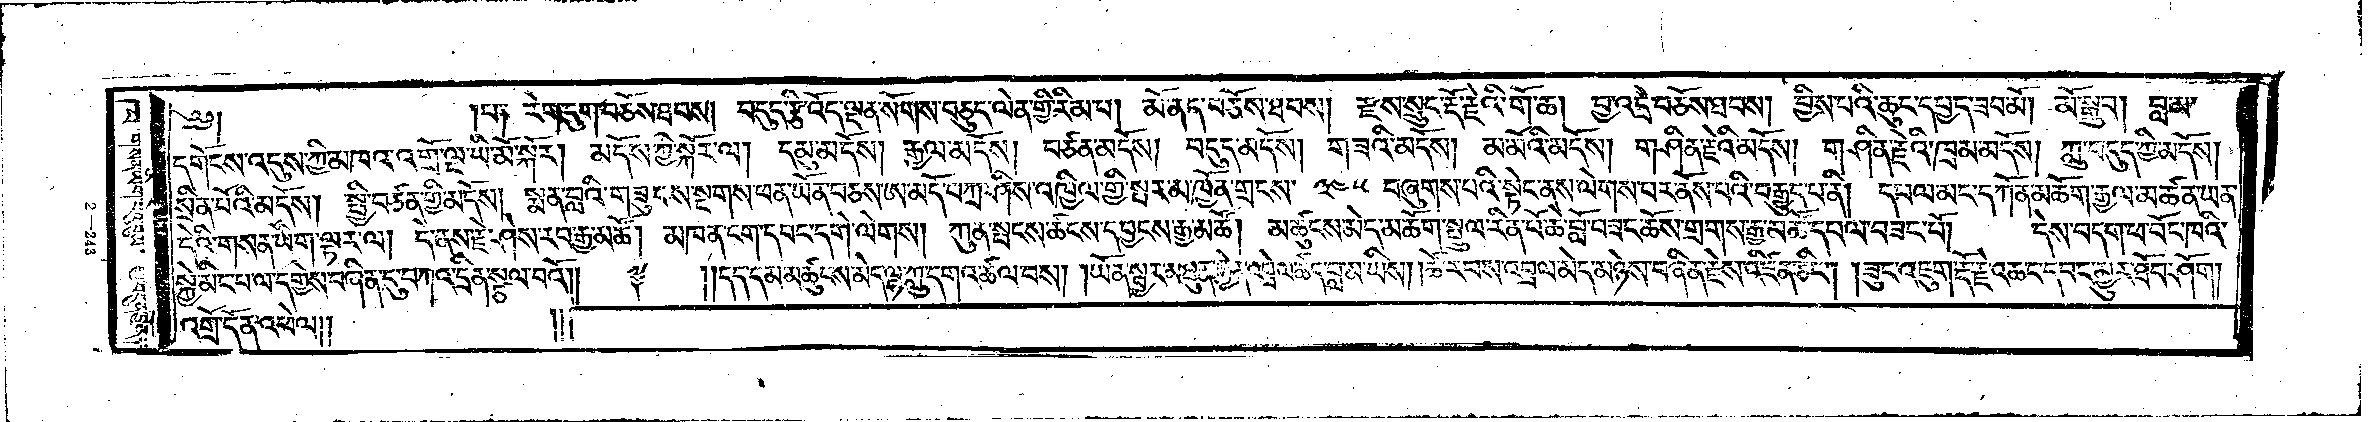༄༅། །པ༑ རེག་དུག་བཅོས་ཐབས། བདུད་རྩི་འོད་ལྡན་སོགས་བཅུད་ལེན་གྱི་རིམ་པ། མོ་ནད་བཅོས་ཐབས། རྫས་སྲུང་རྡོ་རྗེའི་གོ་ཆ། བྱ་འདྲེ་བཅོས་ཐབས། བྱིས་པའི་ཆུང་དཔྱད་ཟབ་མོ། མོ་སྒྲུབ། བླ་མ་
དགོངས་འདུས་ཀྱི་མཁའ་འགྲོ་ལྔ་ཡི་མོ་སྐོར། མདོས་ཀྱི་སྐོར་ལ། དམུ་མདོས། རྒྱལ་མདོས། བཙན་མདོས། བདུད་མདོས། གཟའི་མདོས། མ་མོའི་མདོས། གཤིན་རྗེའི་མདོས། གཤིན་རྗེའི་ཁྲམ་མདོས། ཀླུ་བདུད་ཀྱི་མདོས།
སྲིན་པོའི་མདོས། སྤྱི་བཙན་གྱི་མདོས། སྨན་བླའི་གཟུངས་སྔགས་ཕན་ཡོན་བཅས་ཨ་མདོ་བཀྲ་ཤིས་འཁྱིལ་གྱི་སྤར་མ་ཁྱོན་གྲངས ༣༤༥་བཞུགས་པའི་སྟེང་ནས་ལེགས་པར་ནོས་པའི་བརྒྱུད་པ་ནི། དཔལ་མང་དཀོན་མཆོག་རྒྱལ་མཚན་ཡན་
དེའི་གསན་ཡིག་ལྟར་ལ། དེ་ནས་རྗེ་ཤེས་རབ་རྒྱ་མཚོ། མཁན་ངག་དབང་དགེ་ལེགས། ཀུན་སྤངས་ཚངས་དབྱངས་རྒྱ་མཚོ། མཚུངས་མེད་མཆོག་སྤྲུལ་རིན་པོ་ཆེ་བློ་བཟང་ཆོས་གྲགས་རྒྱ་མཚོ་དཔལ་བཟང་པོ། དེས་བདག་ཕ་བོང་ཁའི་
སྐྱེ་མིང་པ་ལ་དགྱེས་བཞིན་དུ་བཀའ་དྲིན་སྩལ་བའོ།། ༈ །།དད་དམ་མཚུངས་མེད་ལྷ་ཀླུ་དགའ་ཚལ་བས། །ཡོན་སྦྱར་མཐུན་རྐྱེན་འབྲེལ་ཚད་བླ་མ་ཡིས། །ཚེ་རབས་འབྲལ་མེད་མཉེས་བཞིན་རྗེས་འཛིན་ཅིང་། །ཟུང་འཇུག་རྡོ་རྗེ་འཆང་དབང་མྱུར་ཐོབ་ཤོག།
འགྲོ་དོན་འཕེལ།། །།